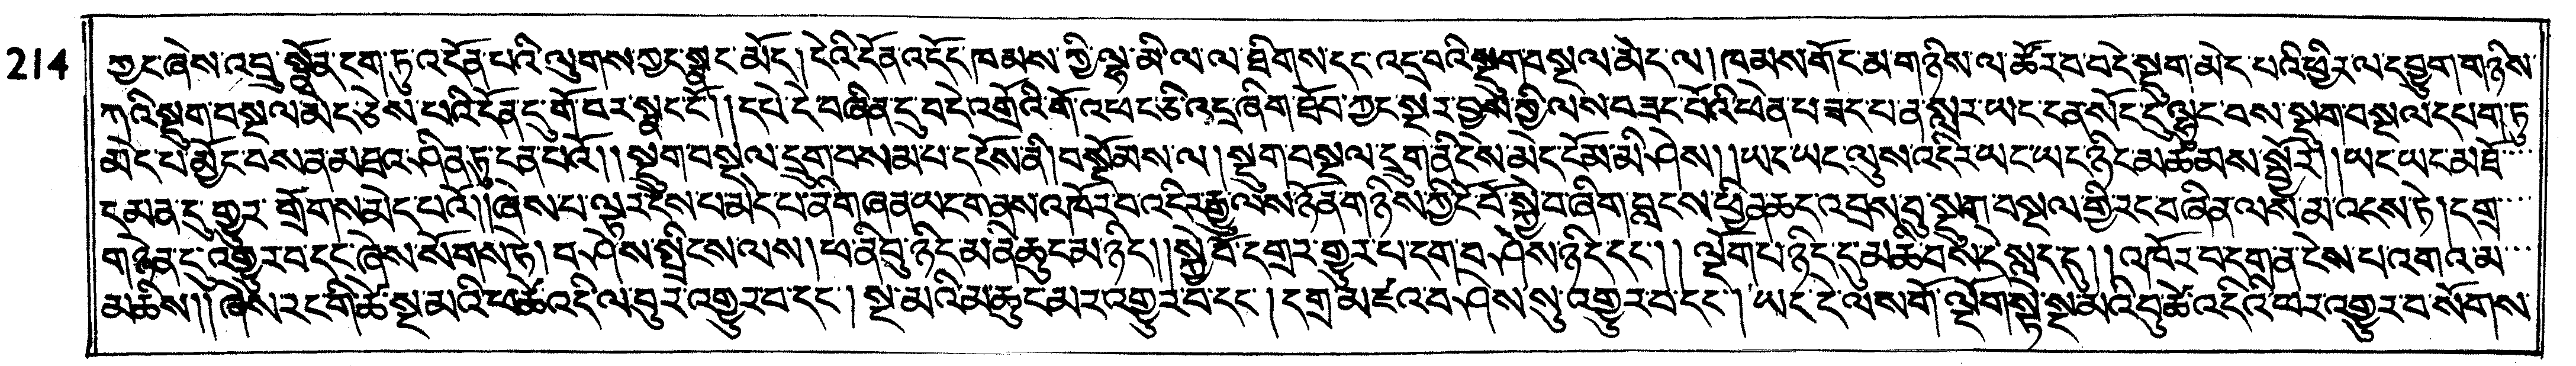ཀྱང་ཞེས་འབྲུ་སྣོན་ངག་ཏུ་འདོན་པའི་ལུགས་ཀྱང་སྣང་མོད། དེའི་དོན་འདོད་ཁམས་ཀྱི་ལྷ་མི་ལ་ལ་ཐིགས་དང་འདྲ་བའི་སྡུག་བསྔལ་མེད་ལ། ཁམས་གོང་མ་གཉིས་ལ་ཚོར་བ་བདེ་སྡུག་མེད་པའི་ཕྱིར་ལ་དབྱུག་གཉིས་
ཀའི་སྡུག་བསྔལ་མེད་ཅེས་པའི་དོན་དུ་གོ་བར་སྣང་ངོ། །དཔེ་དེ་བཞིན་དུ་བདེ་འགྲོའི་གོ་འཕང་ཅི་འདྲ་ཞིག་ཐོབ་ཀྱང་སྔར་བྱས་ཀྱི་ལས་བཟང་པོའི་ཕེན་པ་ཟད་པ་ན་སླར་ཡང་ངན་སོང་དུ་ལྷུང་བས་སྡུག་བསྔལ་དཔག་ཏུ་
མེད་པ་མྱོང་བས་ན་མཐའ་ཤིན་ཏུ་ངན་པའོ། །སྡུག་བསྔལ་དྲུག་བསམ་པ་དངོས་ནི། བསྡོམས་ལ། སྡུག་བསྔལ་དྲུག་ནི་ངེས་མེད་ངོམ་མི་ཤེས། །ཡང་ཡང་ལུས་འདིར་ཡང་ཡང་ཉིད་མཚམས་སྦྱོར། །ཡང་ཡང་མཐོ་
དམན་དུ་གྱུར་གྲོགས་མེད་པའོ། །ཞེས་པ་ལྟར་ངེས་པ་མེད་པ་ནི་གཞན་ཡང་གནས་འཁོར་བ་འདིར་རྒྱུ་ལས་ཉོན་གཉིས་ཀྱི་ངོ་བོ་སྐྱེ་བ་ཞིག་བླངས་ཕྱིན་ཆད་འབྲས་བུ་སྡུག་བསྔལ་གྱི་རང་བཞིན་ལས་མ་འདས་ཏེ། དགྲ་
གཉེན་དུ་འགྱུར་བ་དང་ཞེས་སོགས་ཏེ། བཤེས་སྤྲིངས་ལས། ཕ་ནི་བུ་ཉིད་མ་ནི་ཆུང་མ་ཉིད། །སྐྱེ་བོ་དགྲར་གྱུར་པ་དག་བཤེས་ཉིད་དང་། །ལྡོག་པ་ཉིད་དུ་མཆི་བས་དེ་སླད་དུ། །འཁོར་བ་དག་ན་ངེས་པ་འགའ་མ་
མཆིས། །ཞེས་རང་གི་ཚེ་སྔ་མའི་ཕ་ཚེ་འདི་ལ་བུར་འགྱུར་བ་དང་། སྔ་མའི་མ་ཆུང་མར་འགྱུར་བ་དང་། དགྲ་མཛའ་བཤེས་སུ་འགྱུར་བ་དང་། ཡང་དེ་ལས་གོ་ལྡོག་སྟེ་སྔ་མའི་བུ་ཚེ་འདིའི་ཕར་འགྱུར་བ་སོགས་